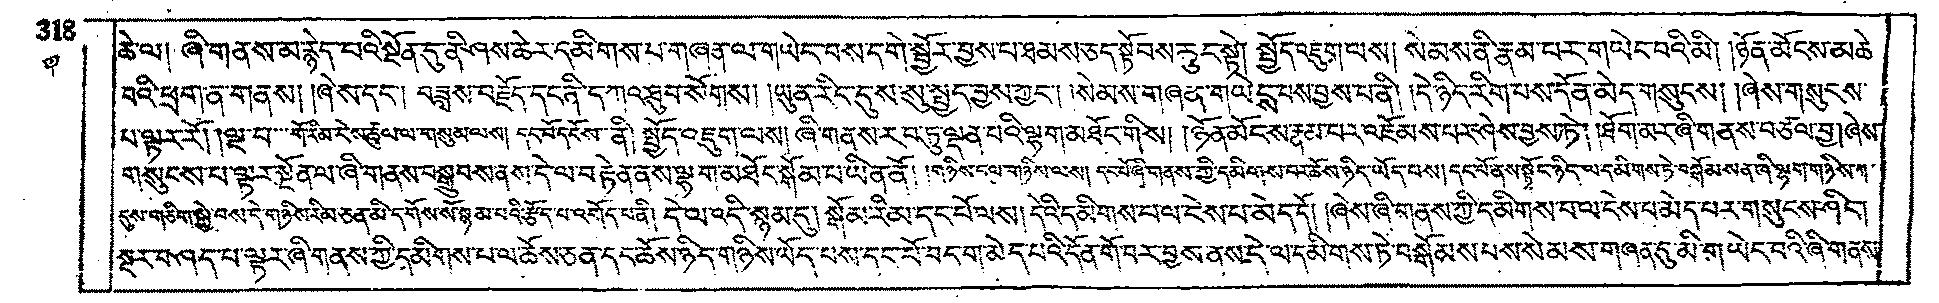ཆེ་ལ། ཞི་གནས་མ་རྙེད་པའི་སྔོན་དུ་ནི་ཤས་ཆེར་དམིགས་པ་གཞན་ལ་གཡེང་བས་དགེ་སྤྱོར་བྱས་པ་ཐམས་ཅད་སྟོབས་ཆུང་སྟེ། སྤྱོད་འཇུག་ལས། སེམས་ནི་རྣམ་པར་གཡེང་བའི་མི། །ཉོན་མོངས་མཆེ་
བའི་ཕྲག་ན་གནས། །ཞེས་དང་། བཟླས་བརྗོད་དང་ནི་དཀའ་ཐུབ་སོགས། །ཡུན་རིང་དུས་སུ་སྤྱད་བྱས་ཀྱང་། །སེམས་གཞན་གཡེངས་པས་བྱས་པ་ནི། །དེ་ཉིད་རིག་པས་དོན་མེད་གསུངས། །ཞེས་གསུངས་
པ་ལྟར་རོ། །ལྔ་པགོ་རིམ་ངེས་ཚུལ་ལ་གསུམ་ལས།  དང་པོ་དངོསྣི། སྤྱོད་འཇུག་ལས། ཞི་གནས་རབ་ཏུ་ལྡན་པའི་ལྷག་མཐོང་གིས། །ཉོན་མོངས་རྣམ་པར་འཇོམས་པར་ཤེས་བྱས་ཏེ། །ཐོག་མར་ཞི་གནས་བཙལ་བྱ། ཞེས་
གསུངས་པ་ལྟར་སྔོན་ལ་ཞི་གནས་བསྒྲུབས་ནས་དེ་ལ་བརྟེན་ནས་ལྷག་མཐོང་སྒོམ་པ་ཡིན་ནོ། །གཉིས་པ་ལ་གཉིས་ལས། དང་པོ་ཞི་གནས་ཀྱི་དམིགས་པར་ཆོས་ཉིད་ཡོད་པས། དང་པོ་ནས་སྟོང་ཉིད་ལ་དམིགས་ཏེ་བསྒོམས་ན་ཞི་ལྷག་གཉིས་ཀ་
དུས་གཅིག་སྐྱེ་བས་དེ་གཉིས་རིམ་ཅན་མི་དགོས་སོ་སྙམ་པའི་རྩོད་པ་འགོད་པ་ནི། དེ་ལ་འདི་སྙམ་དུ། སྒོམ་རིམ་དང་པོ་ལས། དེའི་དམིགས་པ་ལ་ངེས་པ་མེད་དོ། །ཞེས་ཞི་གནས་ཀྱི་དམིགས་པ་ལ་ངེས་པ་མེད་པར་གསུངས་ཤིང་།
སྔར་བཤད་པ་ལྟར་ཞི་གནས་ཀྱི་དམིགས་པ་ལ་ཆོས་ཅན་དང་ཆོས་ཉིད་གཉིས་ཡོད་པས་དང་པོ་བདག་མེད་པའི་དོན་གོ་བར་བྱས་ནས་དེ་ལ་དམིགས་ཏེ་བསྒོམས་པས་སེམས་གཞན་དུ་མི་གཡེང་བའི་ཞི་གནས་